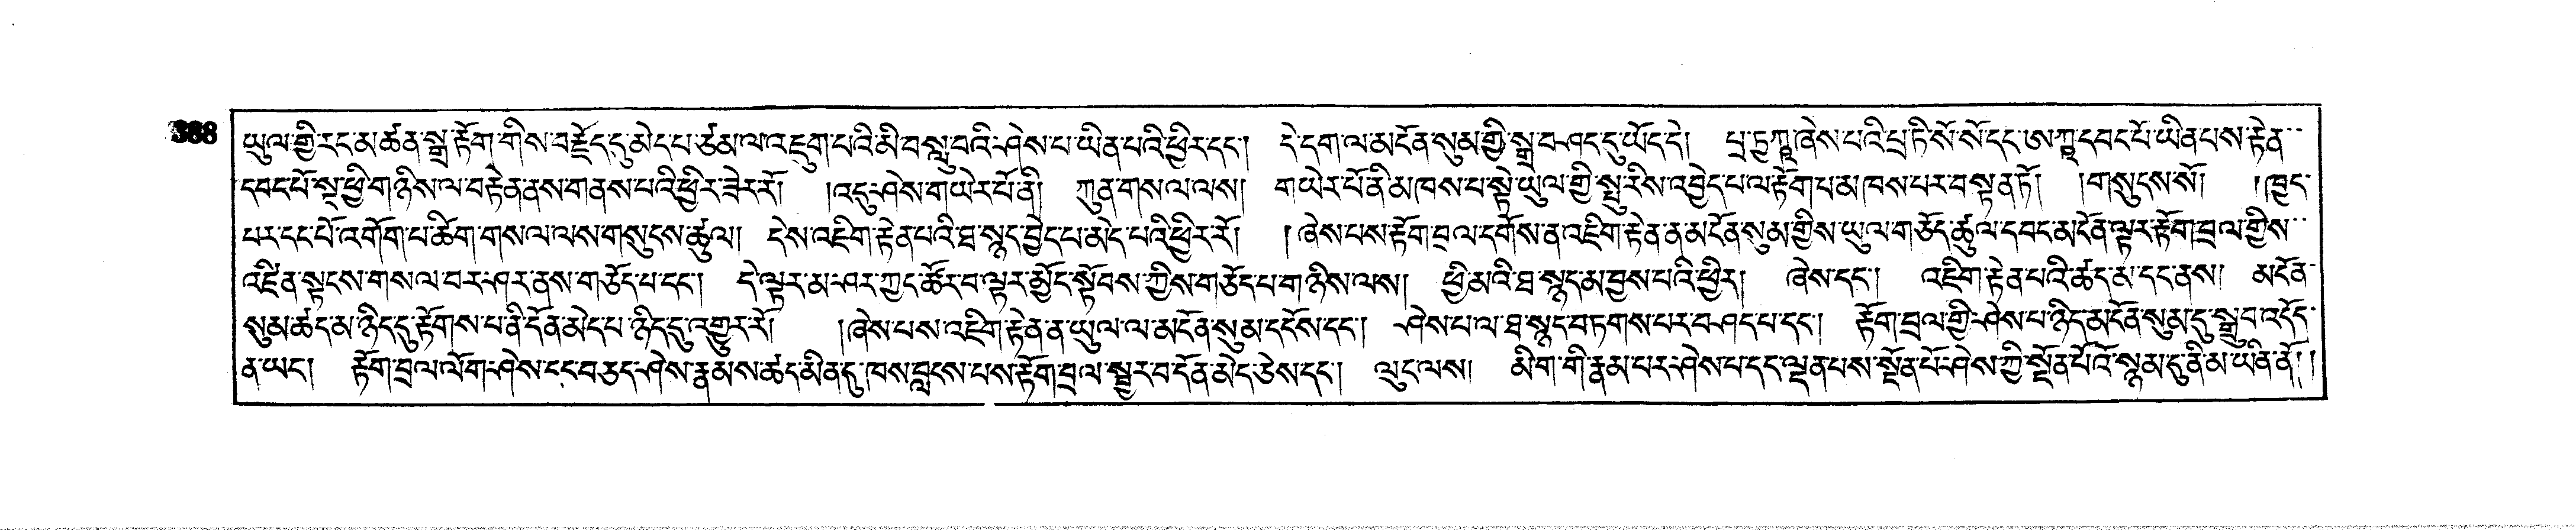ཡུལ་གྱི་རང་མཚན་སྒྲ་རྟོག་གིས་བརྗོད་དུ་མེད་པ་ཙམ་ལ་འཇུག་པའི་མི་བསླུ་བའི་ཤེས་པ་ཡིན་པའི་ཕྱིར་དང་། དེ་དག་ལ་མངོན་སུམ་གྱི་སྒྲ་བཤད་དུ་ཡོད་དེ། པྲ་ཏྱཀྵ་ཞེས་པའི་པྲ་ཏི་སོ་སོ་དང་ཨཀྵ་དབང་པོ་ཡིན་པས་རྟེན་
དབང་པོ་སྔ་ཕྱི་གཉིས་ལ་བརྟེན་ནས་གནས་པའི་ཕྱིར་ཟེར་རོ། །འདུ་ཤེས་གཡེར་པོ་ནི། ཀུན་གསལ་ལས། གཡེར་པོ་ནི་མཁས་པ་སྟེ་ཡུལ་གྱི་སྤུ་རིས་འབྱེད་པ་ལ་རྟོག་པ་མཁས་པར་བསྟན་ཏོ། །གསུངས་སོ། །ཁྱད་
པར་དང་པོ་འགོག་པ་ཚིག་གསལ་ལས་གསུངས་ཚུལ། དེས་འཇིག་རྟེན་པའི་ཐ་སྙད་བྱེད་པ་མེད་པའི་ཕྱིར་རོ། །ཞེས་པས་རྟོག་བྲལ་དགོས་ན་འཇིག་རྟེན་ན་མངོན་སུམ་གྱིས་ཡུལ་གཅོད་ཚུལ་དབང་མངོན་ལྟར་རྟོག་བྲལ་གྱིས་
འཛིན་སྟངས་གསལ་བར་ཤར་ནས་ཅོད་པ་དང་། དེ་ལྟར་མ་ཤར་ཀྱང་ཚོར་བ་ལྟར་མྱོང་སྟོབས་ཀྱིས་གཅོད་པ་གཉིས་ལས། ཕྱི་མའི་ཐ་སྙད་མ་བྱས་པའི་ཕྱིར། ཞེས་དང་། འཇིག་རྟེན་པའི་ཚད་མ་དང་ནས། མངོན་
སུམ་ཚད་མ་ཉིད་དུ་རྟོགས་པ་ནི་དོན་མེད་པ་ཉིད་དུ་འགྱུར་རོ། །ཞེས་པས་འཇིག་རྟེན་ན་ཡུལ་ལ་མངོན་སུམ་དངོས་དང་། ཤེས་པ་ལ་ཐ་སྙད་བཏགས་པར་བཤད་པ་དང་། རྟོག་བྲལ་གྱི་ཤེས་པ་ཉིད་མངོན་སུམ་དུ་སྒྲུབ་འདོད་
ན་ཡང་། རྟོག་བྲལ་ལོག་ཤེས་དང་བཅད་ཤེས་རྣམས་ཚད་མིན་དུ་ཁས་བླངས་པས་རྟོག་བྲལ་སྦྱར་བ་དོན་མེད་ཅེས་དང་། ལུང་ལས། མིག་གི་རྣམ་པར་ཤེས་པ་དང་ལྡན་པས་སྔོན་པོ་ཤེས་ཀྱི་སྔོན་པོའོ་སྙམ་དུ་ནི་མ་ཡིན་ནོ། །